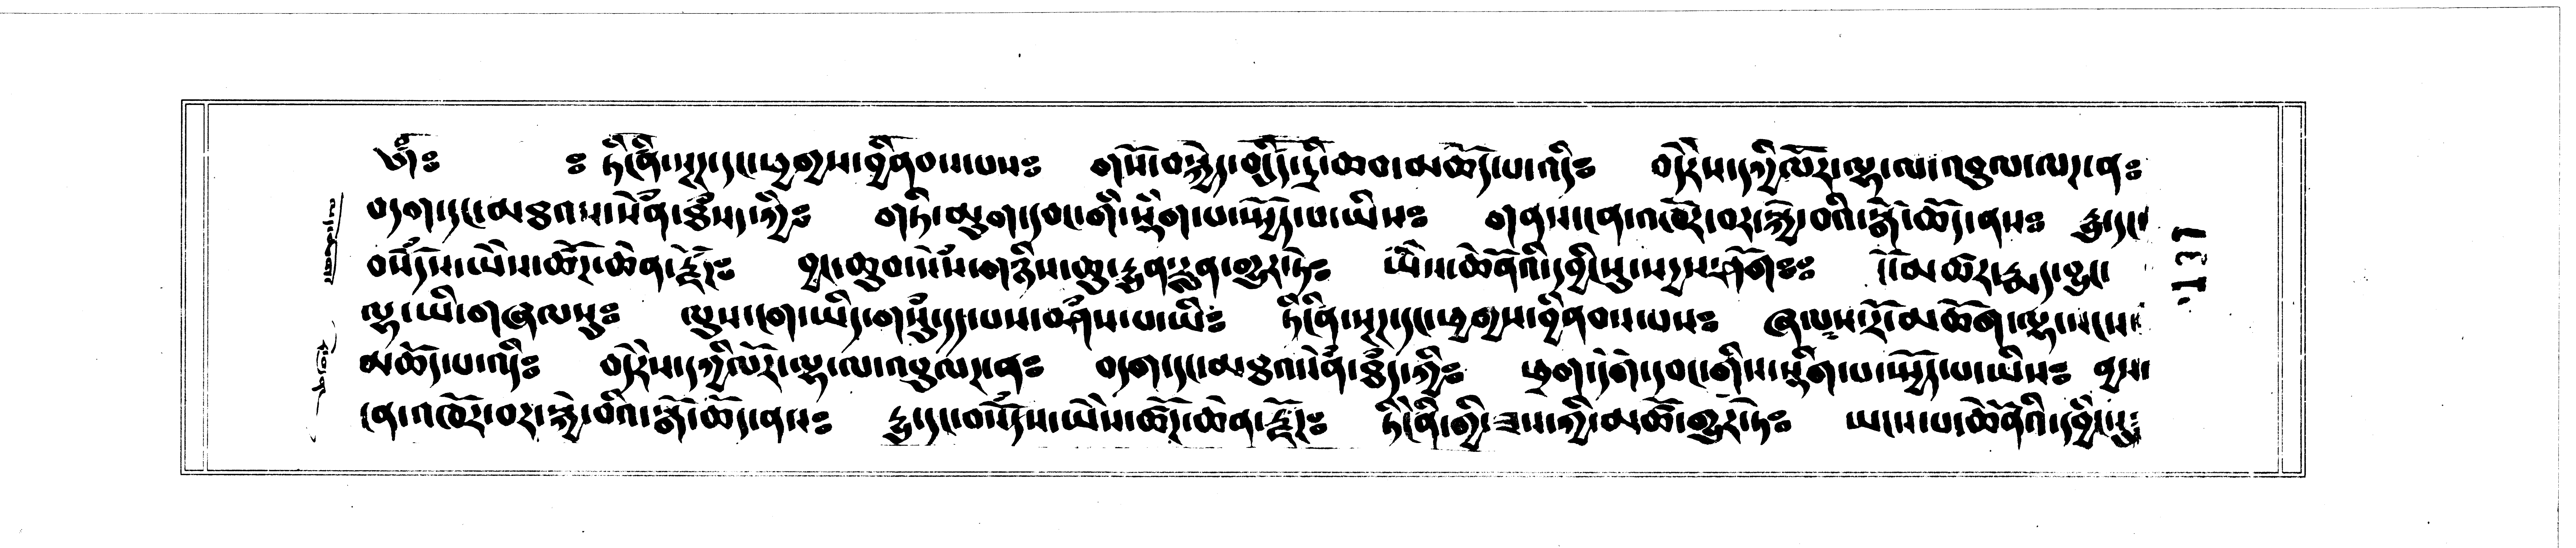ཏིང་འཛིན་སྔགས་དང་ཕྱག་རྒྱས་བྱིན་བརླབས་པའིཿ གསོ་སྐྱེད་བདུད་རྩི་དྲི་ཆབ་མཆོད་པ་འདིཿ བདེར་གཤེགས་དཀྱིལ་འཁོར་ལྷ་ལ་འབུལ་ལགས་ནཿ 
བདག་དང་མཐའ་ཡས་སེམས་ཅན་ཐམས་ཅད་ཀྱིསཿ གཏི་མུག་དབང་གིས་སྡིག་པ་སྤྱོད་པ་ཡིསཿ གནས་ངན་འཁོར་བར་སྐྱེ་བའི་སྒོ་ཆོད་ནསཿ ཡེ་ཤེས་ལྷ་ཡི་སྤྱན་དང་ལྡན་གྱུར་ཅིགཿ རྒྱུ་དང་
བསོད་ནམས་ཡེ་ཤེས་ཚོགས་རྫོགས་ནསཿ བྱང་ཆུབ་སེམས་གཉིས་ཆུ་རྒྱུན་བརླན་གྱུར་ཏེཿ ཡེ་ཤེས་ཆེན་པོའི་དབྱིངས་སུ་སངས་རྒྱས་ཤོགཿ ངོ་མཚར་རྨད་བྱུང་
ལྷ་ཡི་གཞལ་ཡས་སུཿ ལུས་ངག་ཡིད་གསུམ་དད་པས་བཤམས་པ་ཡིཿ ཏིང་འཛིན་སྔགས་དང་ཕྱག་རྒྱས་བྱིན་བརླབས་པའིཿ ཞལ་ཟས་རོ་མཆོག་ལྷ་སངས་
མཆོད་པ་འདིཿ བདེར་གཤེགས་དཀྱིལ་འཁོར་ལྷ་ལ་འབུལ་ལགས་ནཿ བདག་དང་མཐའ་ཡས་སེམས་ཅན་ཐམས་ཅད་ཀྱིསཿ ཕྲག་དོག་དབང་གིས་སྡིག་པ་སྤྱོད་པ་ཡིསཿ གནས་
ངན་འཁོར་བར་སྐྱེ་བའི་སྒོ་ཆོད་ནསཿ ཡེ་ཤེས་ལྷ་ཡི་སྤྱན་དང་ལྡན་གྱུར་ཅིགཿ རྒྱུ་དང་བསོད་ནམས་ཡེ་ཤེས་ཚོགས་རྫོགས་ནསཿ ཏིང་ངེ་འཛིན་གྱི་ཟས་ཀྱིས་འཚོ་གྱུར་ཏེཿ ཡངས་པ་ཆེན་པོའི་དབྱིངས་སུ་སངས་རྒྱས་ཤོགཿ